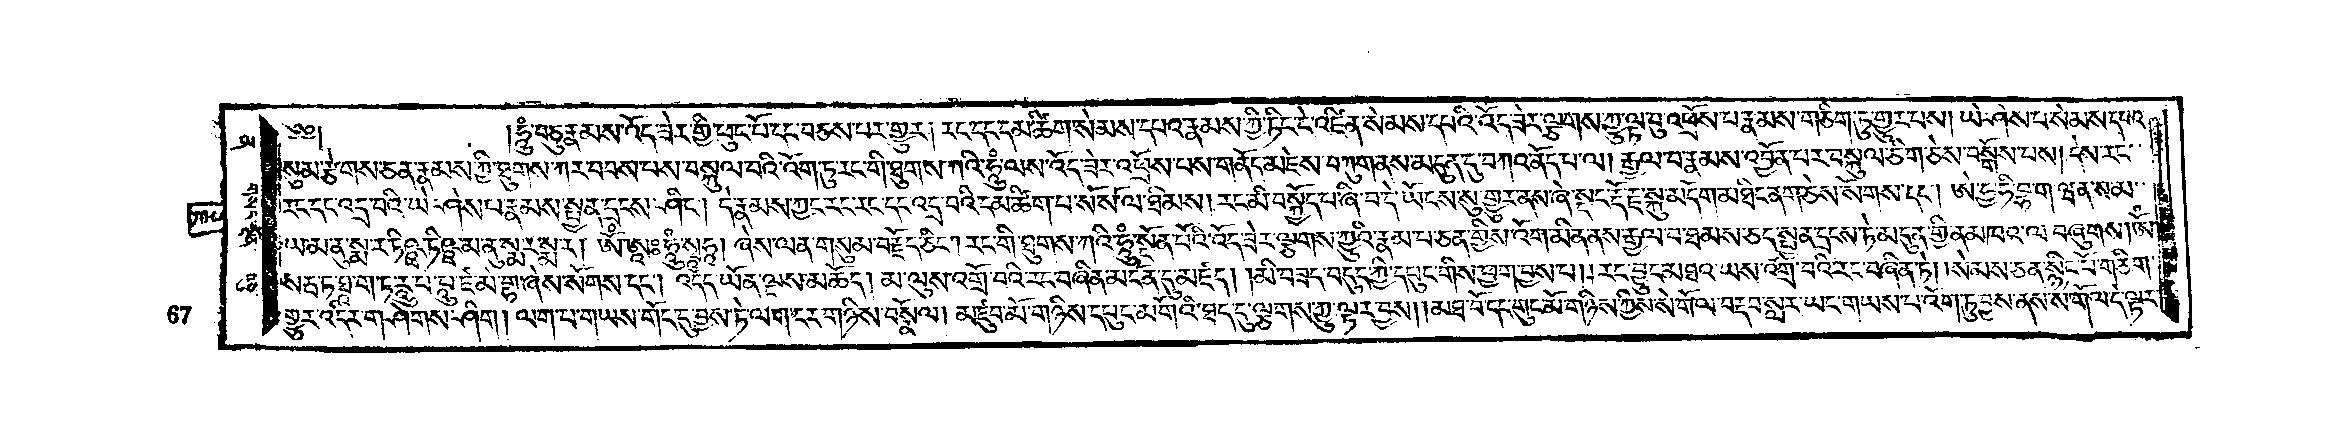༄༅། །ཧཱུཾ་བཅུ་རྣམས་འོད་ཟེར་གྱི་ཕུང་པོ་དང་བཅས་པར་གྱུར། རང་དང་དམ་ཚིག་སེམས་དཔའ་རྣམས་ཀྱི་ཏིང་ངེ་འཛིན་སེམས་དཔའི་འོད་ཟེར་ལྕགས་ཀྱུ་ལྟ་བུ་འཕྲོས་པ་རྣམས་གཅིག་ཏུ་གྱུར་པས། ཡེ་ཤེས་པ་སེམས་དཔའ་
སུམ་རྩེགས་ཅན་རྣམས་ཀྱི་ཐུགས་ཀར་བབས་པས་བསྐུལ་བའི་འོག་ཏུ་རང་གི་ཐུགས་ཀའི་ཧཱུཾ་ལས་འོད་ཟེར་འཕྲོས་པས་གནོད་མཛེས་བཀུག་ནས་མདུན་དུ་བཀའ་ནོད་པ་ལ། རྒྱལ་བ་རྣམས་འབྱོན་པར་བསྐུལ་ཅིག་ཅེས་བསྒོས་པས། དེས་རང་
རང་དང་འདྲ་བའི་ཡེ་ཤེས་པ་རྣམས་སྤྱན་དྲངས་ཤིང་། དེ་རྣམས་ཀྱང་རང་རང་དང་འདྲ་བའི་དམ་ཚིག་པ་སོ་སོ་ལ་ཐིམས། རང་མི་བསྐྱོད་པ་ཞི་བ་དེ་ཡོངས་སུ་གྱུར་ནས་ཞེ་སྡང་རྡོ་རྗེ་སྐུ་མདོག་མཐིང་ནག་ཅེས་སོགས་དང་། ཨེ་ཧྱ་ཧི་བྷ་ག་ལྡན་སམ་
ཡ་མ་ནུ་སྨ་ར་ཏིཥཊཿཨ་ཏིཥཊཿཨ་མ་ནུ་སྨ་ར་སྨ་ར། ཨོཾ་ཨཱཿ ཧཱུཾ་སྭཱ་ཧཱ། ཞེས་ལན་གསུམ་བརྗོད་ཅིང་། རང་གི་ཐུགས་ཀའི་ཧཱུཾ་སྔོན་པོའི་འོད་ཟེར་ལྕགས་ཀྱུའི་རྣམ་པ་ཅན་གྱིས་འོག་མིན་ནས་རྒྱལ་བ་ཐམས་ཅད་སྤྱན་དྲངས་ཏེ་མདུན་གྱི་ནམ་མཁའ་ལ་བཞུགས། ཨོཾ་
སརྦ་ཏ་ཐཱ་ག་ཏ་རཱུ་པ་པཱུ་ཛ་མེ་གྷ་ཞེས་སོགས་དང་། །འདོད་ཡོན་ལྔས་མཆོད། མ་ལུས་འགྲོ་བའི་རང་བཞིན་མངོན་དུ་མཛད། །མི་བཟད་བདུད་ཀྱི་དཔུང་གིས་ཕྱག་བྱས་པ། །རང་བྱུང་མཐའ་ཡས་འགྲོ་བའི་རང་བཞིན་ཏེ། །སེམས་ཅན་སྙིང་པོ་གཅིག་
གྱུར་འདིར་གཤེགས་ཤིག། ལག་པ་གཡས་གོང་དུ་བྱས་ཏེ་ལག་ངར་གཉིས་བསྣོལ། མཛུབ་མོ་གཉིས་དཔུང་མགོའི་ཐད་དུ་ལྕགས་ཀྱུ་ལྟར་བྱས། །མཐེ་བོ་དང་གུང་མོ་གཉིས་ཀྱིས་སེ་གོལ་བརྡབ་སླར་ཡང་གཡས་པ་འོག་ཏུ་བྱས་ནས་ས་གོལ་དེ་ལྟར་